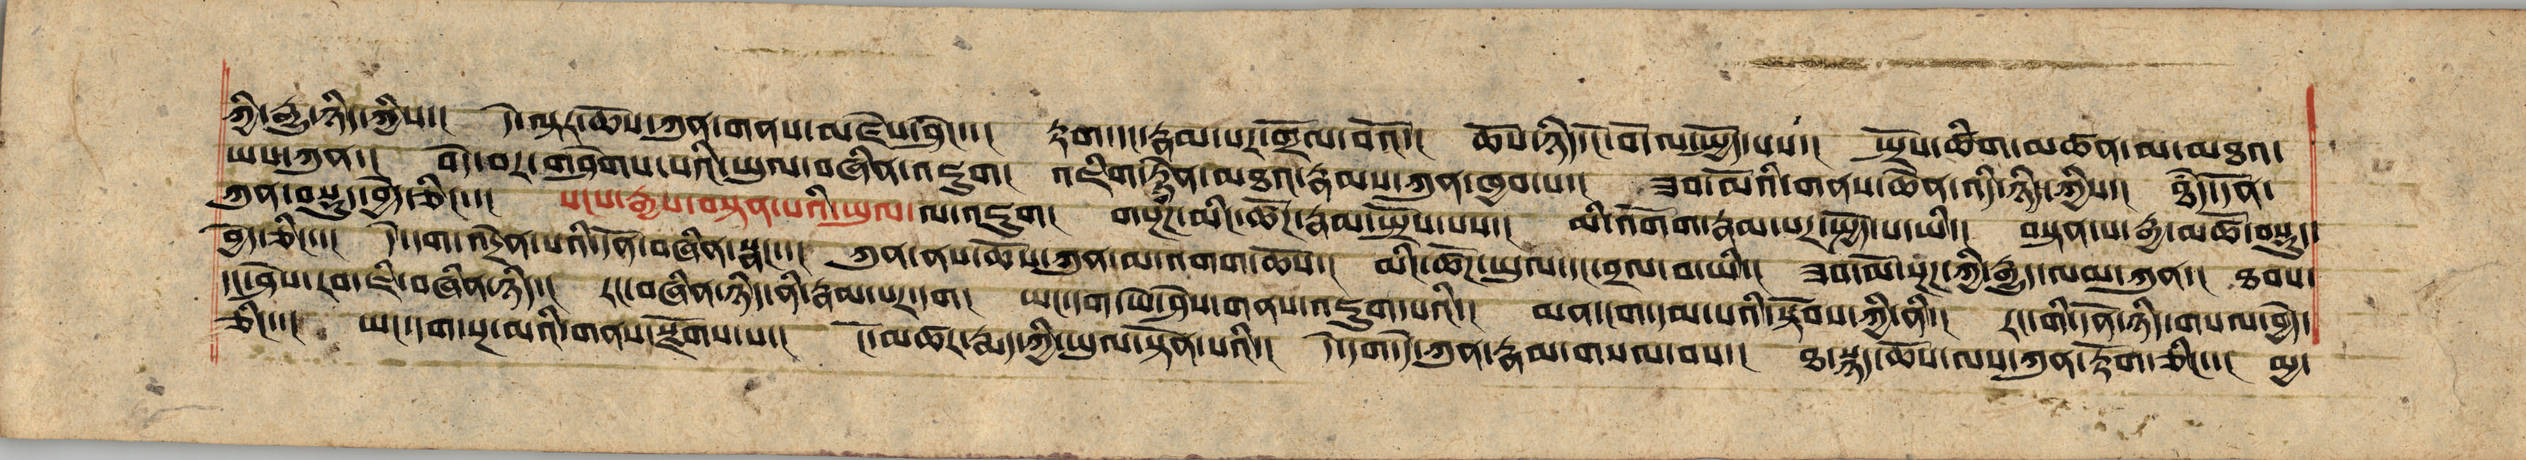ཀྱི་རྒྱུ་ཉིད་ཀྱིས་། དེ་ལྟར་ཆོས་ཀུན་གནས་མཛེས་ཤིང་་། རྟག་དང་རྣམ་པར་གྲོལ་བའོ་། ཆོས་ཉིད་ངོ་བོ་གོལ་སྤྱོད་པས་། སྤྲོས་ཚིག་མཚན་མ་མཐའ་
ཡས་ཀུན་། བདེ་བར་གཤེགས་པའི་ཡུལ་བཞིན་འཇུག། འཇིག་རྟེན་མཐའ་རྣམས་ཀུན་ཁྱབ་པ་། ཟབ་མོའི་གནས་ཆེན་འདི་ཉིད་ཀྱིས་། ཐཾད་དོན་
ཀུན་བསྡུད་བྱེད་ཅིང་་། སངས་རྒྱས་བསྟན་པའི་ཡུལ་ལ་འཇུག། གསྔཾཌ་མིང་ཚོཌ་རྣམ་སྤྲོས་པས་། མི་འགོག་རྣམ་པར་སྤྱོད་པ་ཡི་། བསྟན་པ་རྒྱ་མཚོ་བསྡུད་
བྱད་ཅིང་་། དེ་དག་འདྲེན་པའི་དོན་བཞིན་སྣང་་། ཀུན་ནས་ཆོས་ཀུན་མ་འགག་ཆོས་། མིང་ཚོཌ་ཡུལ་དང་བྲལ་བ་ཡི་། ཟབ་མོ་སྔཌ་ཀྱི་རྒྱུད་ལམ་ཀུན་། ཐབས་
དང་ཤེས་རབ་ཇི་བཞིན་ཉིད་། རང་བཞིན་ཉིད་ནི་རྣམ་པར་དག། ཡང་དག་ཡེ་ཤེས་གནས་འཇུག་པའི་། མན་ངག་དམ་པའི་སྟོབས་ཀྱི་ནི་། རང་གི་དོན་ཉིད་གསལ་བྱེད་
ཅིང་་། ཡང་དག་སྔ་མའི་གནས་སྫོགས་པ་། ངོ་མཚར་རྨད་ཀྱི་ཡུལ་སྟོན་པའི་། དེ་དག་དེ་ཀུན་རྣམ་གསལ་བས་། ཐ་སྙད་ཆོས་ལས་ཀུན་རྟོག་ཅིང་་། མྱ་